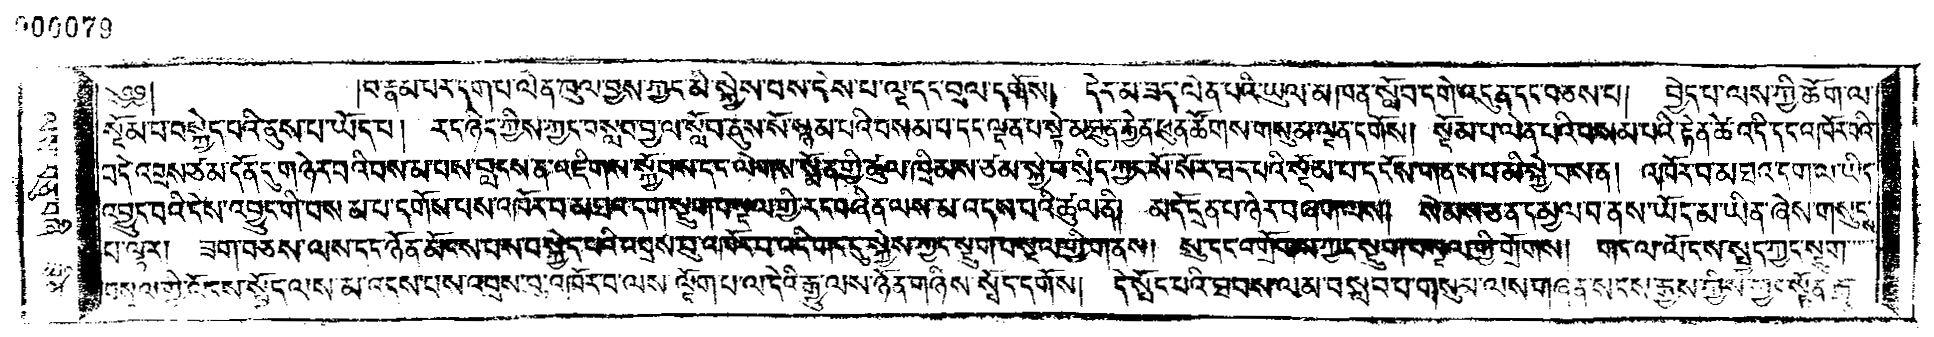༄༅། །བ་རྣམ་པར་དག་པ་ལེན་ཁུལ་བྱས་ཀྱང་མི་སྐྱེས་བས་ངེས་པ་ལྔ་དང་བྲལ་དགོས། དེར་མ་ཟད་ལེན་པའི་ཡུལ་མཁན་སློབ་དགེ་འདུན་དང་བཅས་པ། བྱེད་པ་ལས་ཀྱི་ཆོག་ལ་
སྡོམ་པ་བསྐྱེད་པའི་ནུས་པ་ཡོད་པ། རང་ཉིད་ཀྱིས་ཀྱང་བསླབ་བྱ་ལ་སློབ་ནུས་སོ་སྙམ་པའི་བསམ་པ་དང་ལྡན་པ་སྟེ་མཐུན་རྐྱེན་ཕུན་ཚོགས་གསུམ་ལྡན་དགོས། སྡོམ་པ་ལེན་པའི་བསམ་པའི་རྟེན་ཚེ་འདི་དང་འཁོར་བའི་
བདེ་འབྲས་ཙམ་དོན་དུ་གཉེར་བའི་བསམ་པས་བླངས་ན་འཇིགས་སྐྱོབས་དང་ལེགས་སྨོན་གྱི་ཚུལ་ཁྲིམས་ཙམ་སྐྱེ་བ་སྲིད་ཀྱང་སོ་སོར་ཐར་པའི་སྡོམ་པ་དངོས་གནས་པ་མི་སྐྱེ་བས་ན། འཁོར་བ་མཐའ་དག་ལ་ཡིད་
འབྱུང་བའི་ངེས་འབྱུང་གི་བསམ་པ་དགོས་པས་འཁོར་བ་མཐའ་དག་སྡུག་བསྔལ་གྱི་རང་བཞིན་ལས་མ་འདས་པའི་ཚུལ་ནི། མདོ་དྲན་པ་ཉེར་བཞག་ལས། སེམས་ཅན་དམྱལ་བ་ནས་ཡོད་མ་ཡིན་ཞེས་གསུངས་
པ་ལྟར། ཟག་བཅས་ལས་དང་ཉོན་མོངས་པས་བསྐྱེད་པའི་འབྲས་བུ་འཁོར་བ་འདི་གང་དུ་སྐྱེས་ཀྱང་སྡུག་བསྔལ་གྱི་གནས། སུ་དང་འགྲོགས་ཀྱང་སྡུག་བསྔལ་གྱི་གྲོགས། གང་ལ་ལོངས་སྤྱད་ཀྱང་སྡུག་
བསྔལ་གྱི་ལོངས་སྤྱོད་ལས་མ་འདས་པས་འབྲས་བུ་འཁོར་བ་ལས་ལྡོག་པ་ལ་དེའི་རྒྱུ་ལས་ཉོན་གཉིས་སྤོང་དགོས། དེ་སྤོང་པའི་ཐབས་ལམ་བསླབ་པ་གསུམ་ལས་གཞན་སངས་རྒྱས་ཀྱིས་ཀྱང་སྟོན་རྒྱུ་